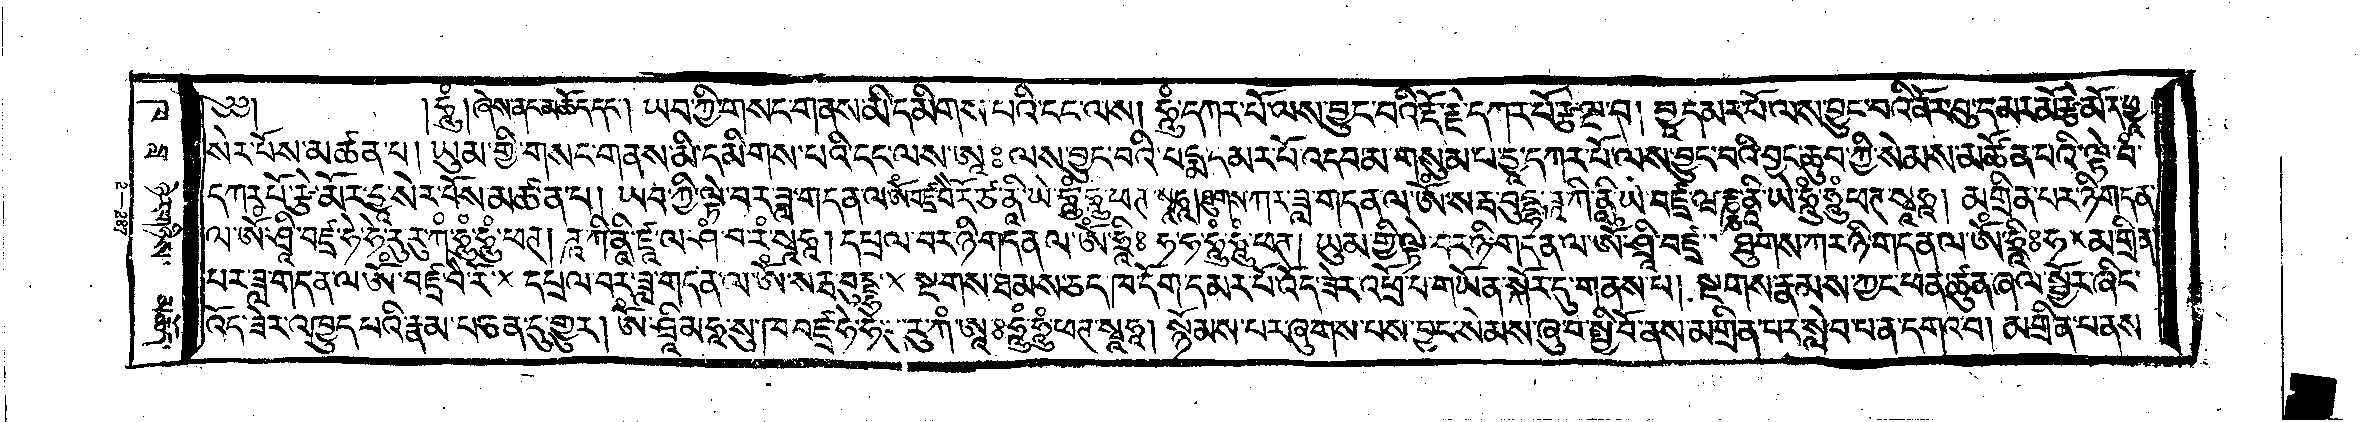༄༅། །ཧཱུཾ། ཞེས་ནང་མཆོད་དང་། ཡབ་ཀྱི་གསང་གནས་མི་དམིགས་པའི་ངང་ལས། ཧཱུཾ་དཀར་པོ་ལས་བྱུང་བའི་རྡོ་རྗེ་དཀར་པོ་རྩེ་ལྔ་བ། བྱཱ་དམར་པོ་ལས་བྱུང་བའི་ནོར་བུ་དམར་མོ་རྩེ་མོར་ཕྱཱ་
སེར་པོས་མཚན་པ། ཡུམ་གྱི་གསང་གནས་མི་དམིགས་པའི་ངང་ལས་ཨཱཿ ལས་བྱུང་བའི་པདམ་དམར་པོ་འདབ་མ་གསུམ་པ་དྱཱ་དཀར་པོ་ལས་བྱུང་བའི་བྱང་ཆུབ་ཀྱི་སེམས་མཚོན་པའི་ལྟེ་བ་
དཀར་པོ་རྩེ་མོར་དྱཱ་སེར་པོས་མཚན་པ། ཡབ་ཀྱི་ལྟེ་བར་ཟླ་གདན་ལ་ཨོཾ་བཛྲ་བཻ་རོ་ཙ་ནཱི་ཡེ་ཧཱུཾ་ཧཱུཾ་ཕཊ་སྭཱ་ཧཱ། ཐུགས་ཀ་རེ་ཟླ་གདན་ལ་ཨོཾ་སརྦ་བུདྡྷ་ཌཱ་ཀི་ནཱི་ཡེ་བཛྲ་ཝ་ཎྞ་ནཱི་ཡེ་ཧཱུཾ་ཧཱུཾ་ཕཊ་སྭཱ་ཧཱ། མགྲིན་པར་ཉི་གདན་
ལ་ཨོཾ་ཤྲཱི་བཛྲ་ཧེ་ཧེ་རུ་རུ་ཀཾ་ཧཱུཾ་ཧཱུཾ་ཕཊ། ཌཱ་ཀི་ནཱི་ཛཱ་ལ་ཤཾ་བ་རཾ་སྭཱ་ཧཱ། དཔྲལ་བར་ཉི་གདན་ལ་ཨོཾ་ཧྲཱིཿ ཧ་ཧ་ཧཱུཾ་ཧཱུཾ་ཕཊ། ཡུམ་གྱི་ལྟེ་བར་ཉི་གདན་ལ་ཨོཾ་ཤྲཱི་བཛྲ་ཐུགས་ཀར་ཉི་གདན་ལ་ཨོཾ་ཧྲཱིཿ ཧ྾་མགྲིན་
པར་ཟླ་གདན་ལ་ཨོཾ་བཛྲ་བཻ་རོ྾་དཔྲལ་བར་ཟླ་གདན་ལ་ཨོཾ་སརྦ་བུདྡྷ྾་སྔགས་ཐམས་ཅད་ཁ་དོག་དམར་པོ་འོད་ཟེར་འཕྲོ་བ་གཡོན་སྐོར་དུ་གནས་པ། སྔགས་རྣམས་ཀྱང་ཕན་ཚུན་ཞལ་སྦྱོར་ཞིང་
འོད་ཟེར་འཁྱུད་པའི་རྣམ་པ་ཅན་དུ་གྱུར། ཨོཾ་ཤྲཱི་མཧཱ་སུ་ཁ་བཛྲ་ཧེ་ཧེ་རུ་རུ་ཀཾ་ཨཱཿ ཧཱུཾ་ཧཱུཾ་ཕཊ་སྭཱ་ཧཱ། སྙོམས་པར་ཞུགས་པས་བྱང་སེམས་ཞུ་བ་སྤྱི་བོ་ནས་མགྲིན་པར་སླེབ་པ་ན་དགའ་བ། མགྲིན་པ་ནས་